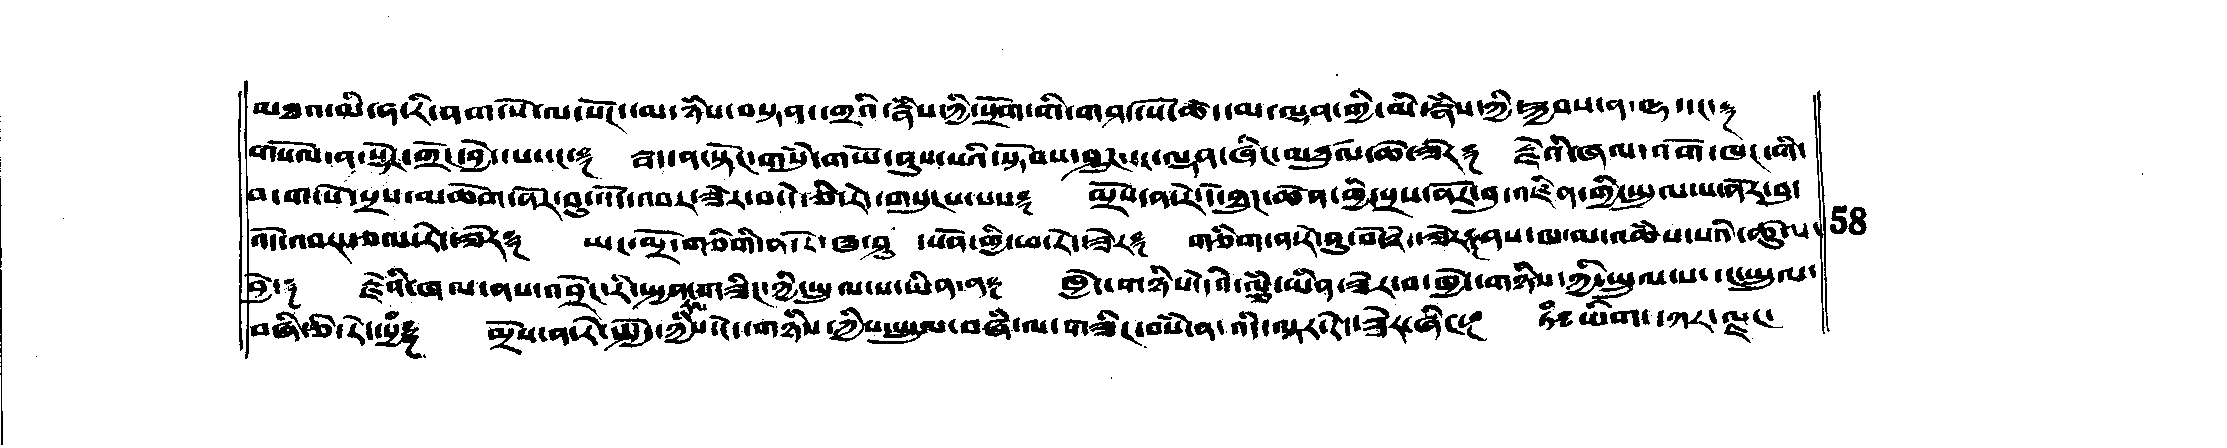མཐའ་མི་ཧ་རི་ནག་པོ་ལ་སོགས་དམ་ཉམས་བསྟན་དགྲའི་རྣམས་ཀྱི་སྲོག་གི་གཤེད་པོ་ཚེ་དམ་ལྡན་གྱི་མི་རྣམས་ཀྱི་སྐྱབས་ན་ལྷ་དང་། 
གསོལ་ན་སྡོང་གྲོགས་བྱེད་པ་དང་། རྦད་ན་སྟོང་གསུམ་གཡོ་ནུས་པའི་སྟོབས་ཤུགས་དང་ལྡན་ཞིང་མཐུ་རྩལ་ཆེ་ཟེར། རྗེའི་ཞལ་འོག་ཁང་གི་
བདག་པོ་སྲས་མཆོག་ནོར་བུ་འོད་འབར་ཟེར་བ་དེ་ཅི་རེད་གསུངས་པས། མཁའ་འགྲོ་ན་རེ་དེ་ཐུགས་ཆེན་གྱི་སྲས་ནོར་བུ་འཛིན་གྱི་སྤྲུལ་པ་ནོར་བུ་
འོད་འབར་རྩལ་རེད་ཟེར། ཡང་མཁའ་འགྲོ་གཅིག་གི་ན་རེ་ཝ་ཤུ་དཔོན་གྱི་ཕ་རེད་ཟེར། གཅིག་ན་རེ་ནུ་བོ་རེད་ཟེར་ནས་ཁ་མ་འཆམས་པའི་ཚུལ་
བྱེད། རྗེའི་ཞལ་ནས་འབྲོང་རི་སྤྱན་རས་གཟིགས་ཀྱི་སྤྲུལ་པ་ཡིན་ན། ཁྱེད་གཉིས་དེའི་ལྕམ་ཡིན་ཟེར་བ་ཁྱེད་གཉིས་སྤྲུལ་པ་དང་སྤྲུལ་
གཞི་ཅི་རེད་གསུང་།མཁའ་འགྲོས་ན་རེ་ཁྱོད་ཀྱིས་ངེད་གཉིས་ཀྱིས་སྤྲུལ་གཞི་ལ་གཟིགས་བསམ་ན་འདི་ལྟར་རེད་ཟེར་ཞིང་། ཏཾཿཡིག་དཀར་ལྗང་